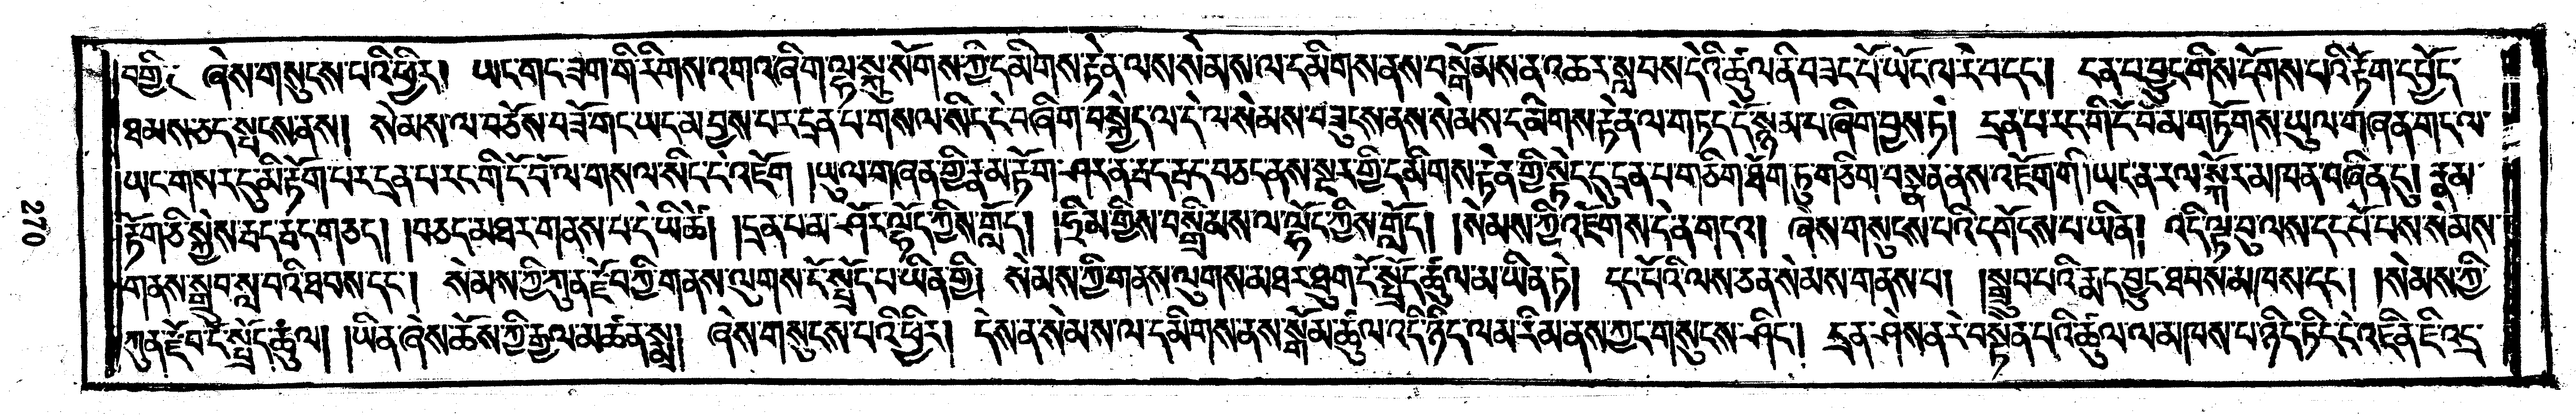བགྱི༑ ཞེས་གསུངས་པའི་ཕྱིར། ཡང་གང་ཟག་གི་རིགས་འགའ་ཞིག་ལྷ་སྐུ་སོགས་ཀྱི་དམིགས་རྟེན་ལས་སེམས་ལ་དམིགས་ནས་བསྒོམས་ན་འཆར་སླབས་དེའི་ཚུལ་ནི་བཟང་པོ་ཡོང་ལ་རེ་བ་དང་། ངན་པ་བྱུང་གིས་དོགས་པའི་རྟོག་དཔྱོད་
ཐམས་ཅད་སྤངས་ནས། སེམས་ལ་བཅོས་བཟོ་གང་ཡད་མ་བྱས་པར་དྲན་པ་གསལ་སིང་ངེ་བ་ཞིག་བསྐྱེད་ལ་དེ་ལ་སེམས་བཟུངས་ནས་སེམས་དམིགས་རྟེན་ལ་གཏད་དོ་སྙམ་པ་ཞིག་བྱས་ཏེ། དྲན་པ་རང་གི་ངོ་བོ་མ་གཏོགས་ཡུལ་གཞན་གང་ལ་
ཡང་གསར་དུ་མི་རྟོག་པ་དྲན་པ་རང་གི་ངོ་བོ་ལ་གསལ་སིང་ངེ་འཇོག །ཡུལ་གཞན་གྱི་རྣམ་རྟོག་ཤར་ན་རྦད་རྦད་བཅད་ནས་སྔར་གྱི་དམིགས་རྟེན་གྱི་སྟེང་དུ་དྲན་པ་གཅིག་ཐོག་ཏུ་གཅིག་བསྣན་ནས་འཇོག་གི །ཡང་ན་རལ་སྐོར་མཁན་བཞིན་དུ། རྣམ་
རྟོག་ཅི་སྐྱེས་རྦད་རྦད་གཅད། །བཅད་མཐར་གནས་པ་དེ་ཡི་ཚེ། །དྲན་པ་མ་ཤོར་ལྷོད་ཀྱིས་གློད། །ཧྲིམ་གྱིས་བསྒྲིམས་ལ་ལྷོད་ཀྱིས་གློད། །སེམས་ཀྱི་འཇོགས་དེ་ན་གདའ། ཞེས་གསུངས་པའི་དགོངས་པ་ཡིན། འདི་ལྟ་བུ་ལས་དང་པོ་པས་སེམས་
གནས་སྒྲུབ་སླ་བའི་ཐབས་དང་། སེམས་ཀྱི་ཀུན་རྫོབ་ཀྱི་གནས་ལུགས་ངོ་སྤྲོད་པ་ཡིན་གྱི། སེམས་ཀྱི་གནས་ལུགས་མཐར་ཐུག་ངོ་སྤྲོད་ཚུལ་མ་ཡིན་ཏེ། དང་པོའི་ལས་ཅན་སེམས་གནས་པ། །སྒྲུབ་པའི་རྨད་བྱུང་ཐབས་མཁས་དང་། །སེམས་ཀྱི་
ཀུན་རྫོབ་ངོ་སྤྲོད་ཚུལ། །ཡིན་ཞེས་ཆོས་ཀྱི་རྒྱལ་མཚན་སྨྲ། ཞེས་གསུངས་པའི་ཕྱིར། དེས་ན་སེམས་ལ་དམིགས་ནས་སྒོམ་ཚུལ་འདི་ཉིད་ལམ་རིམ་ནས་ཀྱང་གསུངས་ཤིང་། དྲན་ཤེས་ན་རེ་བསྟེན་པའི་ཚུལ་ལ་མཁས་པ་ཉིད་ཏིང་ངེ་འཛིན་ཇི་འདྲ་